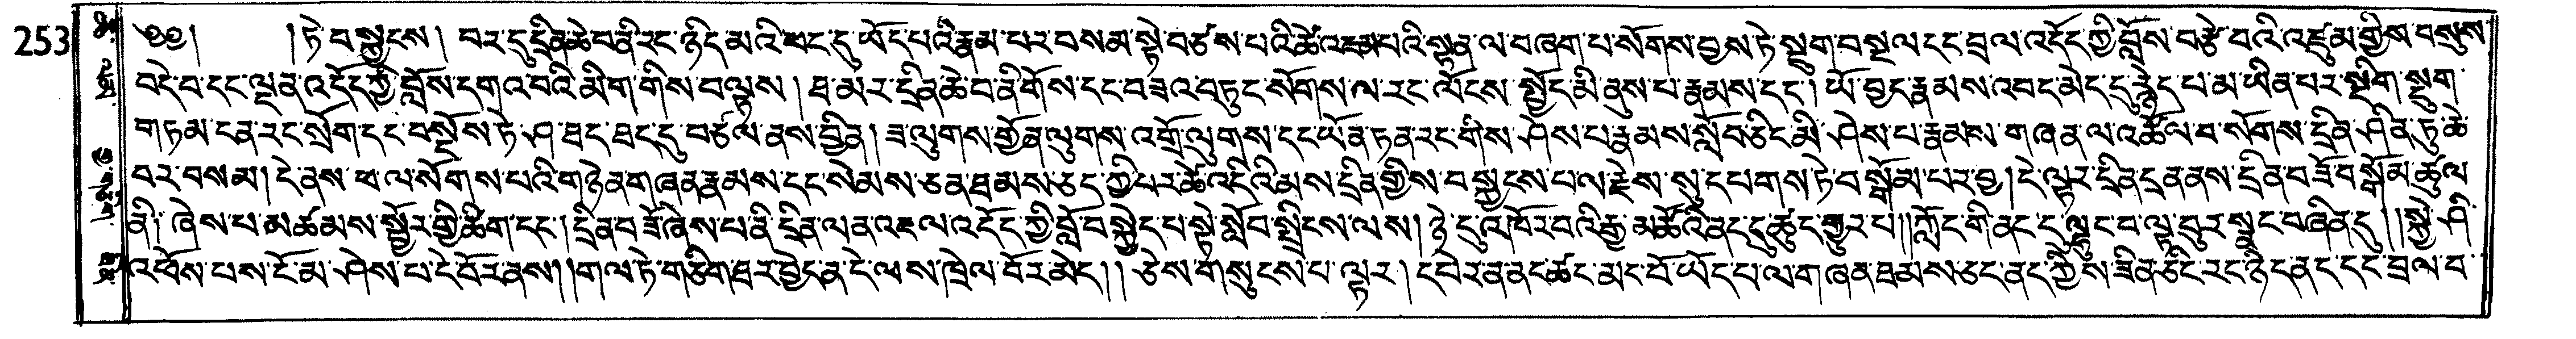༄༅། །ཏེ་བསྐྱངས། བར་དུ་དྲིན་ཆེ་བ་ནི་རང་ཉིད་མའི་ཕང་དུ་ཡོད་པའི་རྣམ་པར་བསམ་སྟེ་བཙས་པའི་ཚེ་འཇམ་པའི་སྟན་ལ་བཞག་པ་སོགས་བྱས་ཏེ་སྡུག་བསྔལ་དང་བྲལ་འདོད་ཀྱི་བློས་བརྩེ་བའི་འཛུམ་གྱིས་བསུས་
བདེ་བ་དང་ལྡན་འདོད་ཀྱི་བློས་དགའ་བའི་མིག་གིས་བལྟས། ཐ་མར་དྲིན་ཆེ་བ་ནི་གོས་དང་བཟའ་བཏུང་སོགས་ལ་རང་ལོངས་སྤྱོད་མི་ནུས་པ་རྣམས་དང་། ཡོ་བྱད་རྣམས་འབད་མེད་དུ་རྙེད་པ་མ་ཡིན་པར་སྡིག་སྡུག་
གཏམ་ངན་རང་སྲོག་དང་བསྡོས་ཏེ་ཤ་ཐད་ཐད་དུ་བཙལ་ནས་བྱིན། ཟ་ལུགས་གྱོན་ལུགས་འགྲོ་ལུགས་དང་ཡོན་ཏན་རང་གིས་ཤེས་པ་རྣམས་སློབ་ཅིང་མི་ཤེས་པ་རྣམས་གཞན་ལ་འཚོལ་བ་སོགས་དྲིན་ཤིན་ཏུ་ཆེ་
བར་བསམ། དེ་ནས་ཕ་ལ་སོགས་པའི་གཉེན་གཞན་རྣམས་དང་སེམས་ཅན་ཐམས་ཅད་ཀྱི་པར་ཚེ་འདིའི་མས་དྲིན་གྱིས་བསྐྱངས་པ་ལ་རྗེས་སུ་དཔགས་ཏེ་བསྒོམ་པར་བྱ། དེ་ལྟར་དྲིན་དྲན་ནས་དྲིན་བཟོ་བསྒོམ་ཚུལ་
ནི༑ ཞེས་པ་མཚམས་སྦྱོར་གྱི་ཚིག་དང་། དྲིན་བཟོ་ཞེས་པ་ནི་དྲིན་ལན་འཇལ་འདོད་ཀྱི་བློ་བསྐྱེད་པ་སྟེ་སློབ་སྤྲིངས་ལས། ཉེ་དུ་འཁོར་བའི་རྒྱ་མཚོའི་ནང་དུ་ཚུད་གྱུར་པ། །ཀློང་གི་ནང་དུ་ལྷུང་བ་ལྟ་བུར་སྣང་བཞིན་དུ། །སྐྱེ་ཤི་
འཕོས་པས་ངོ་མ་ཤེས་པ་དེ་བོར་ནས། །གལ་ཏེ་གཅིག་ཐར་བྱེད་ན་དེ་ལས་ཁྲེལ་བོར་མེད། །ཅེས་གསུངས་པ་ལྟར། དཔེར་ན་ནང་ཚང་མང་པོ་ཡོད་པ་ལ་གཞན་ཐམས་ཅད་ནད་ཀྱིས་ཟིན་ཅིང་རང་ཉིད་ནད་དང་བྲལ་བ་